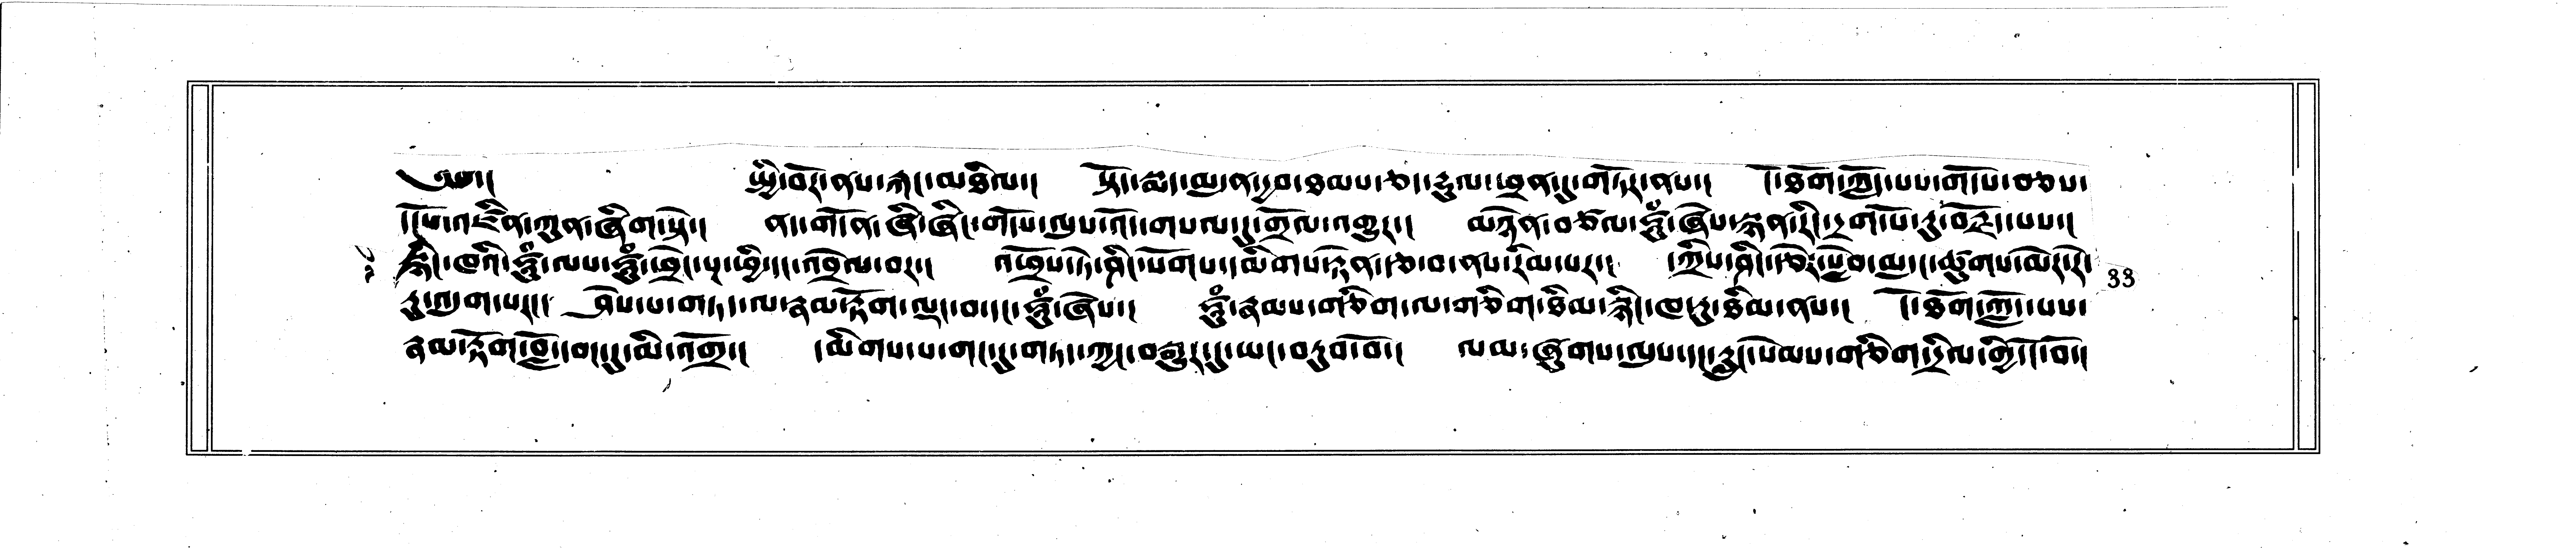སྤྱི་བོ་ནས་རྐང་མཐིལ། །སྟོད་སྨད་མདུན་རྒྱབ་ཐམས་ཅད་རྡུལ་ཕྲན་དུ་གཏོར་ནས། །ངོ་ཐོག་གློད་པས་གདོས་བཅས་
དངོས་འཛིན་ཀུན་ཞིག་སྟེ། །ནད་གདོན་ཞི་ཞིང་གདོས་ལུས་འོད་གསལ་དུ་གྲོལ་འགྱུར། །མཉེན་བཙལ་ཧཱུཾ་ཞེས་སྙན་རིང་དྲག་པོ་རུ་བརྗོད་པས། 
།སྙིང་ཁའི་ཧཱུཾ་ལས་ཧཱུཾ་ཕྲེང་སྔ་ཕྱི་དང་འབྲེལ་བར། །འཕྲོས་ཏེ་ཤིང་སོགས་དམིགས་རྟེན་རྩ་བ་ནས་རིམ་པར། །དཀྲིས་ཤིང་རྩེར་སླེབས་མདུང་ཚུགས་མེར་རེ་
རུ་འདུག་པར། །ཤེས་པ་གཏད་ལ་རྣམ་རྟོག་ལྡང་བ་དང་ཧཱུཾ་ཞེས། ། ཧཱུཾ་རྣམས་གཅིག་ལ་གཅིག་ཐིམ་སྙིང་ཁ་རུ་ཐིམ་ནས། །ངོ་ཐོག་གློད་པས་
རྣམ་རྟོག་བློ་དབང་དུ་མི་འགྲོ། །དམིགས་པ་གང་དུ་གཏད་ཀྱང་བསྒྱུར་དུ་ནི་བཏུབ་བོ། །ལམ་ཞུགས་ལུས་དང་རླུང་སེམས་གཅིག་དྲིལ་གྱི་ངོ་བོ། །